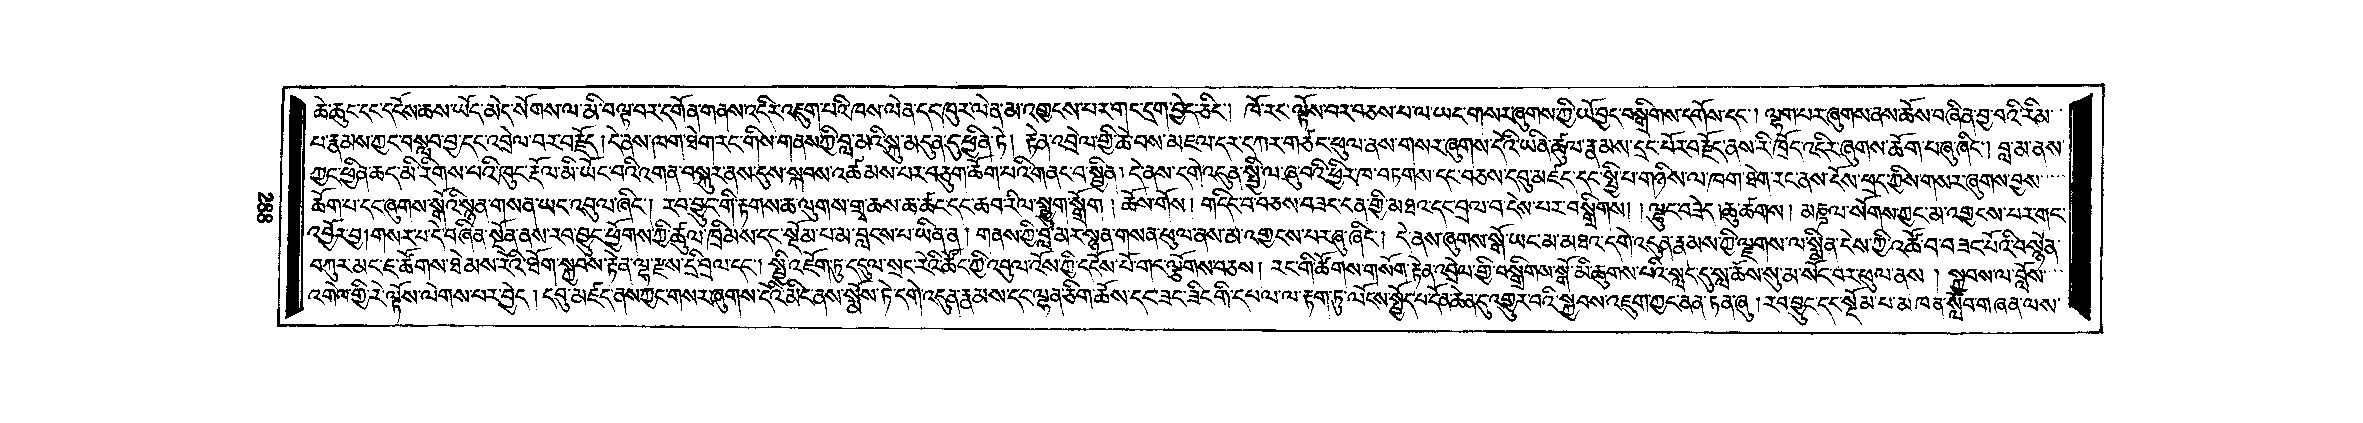ཆེ་ཆུང་དང་དངོས་ཆས་ཡོད་མེད་སོགས་ལ་མི་བལྟ་བར་དགོན་གནས་འདིར་འཇུག་པའི་ཁས་ལེན་དང་ཁུར་ལེན་མ་འགྱངས་པར་གང་དྲག་བྱེད་ཅིང་། ཁོ་རང་ལྟོས་པར་བཅས་པ་ལ་ཡང་གསར་ཞུགས་ཀྱི་ཡོ་བྱད་བསྒྲིགས་དགོས་དང་། ལྷག་པར་ཞུགས་ནས་ཆོས་བཞིན་བྱ་བའི་རིམ་
པ་རྣམས་ཀྱང་བསླབ་བྱ་དང་འབྲེལ་བར་བརྗོད། དེ་ནས་ཁག་ཐེག་རང་གིས་གནས་ཀྱི་བླ་མའི་སྐུ་མདུན་དུ་ཕྱིན་ཏེ། རྟེན་འབྲེལ་གྱི་ཆེ་བས་མཇལ་དར་དཀར་གཙང་ཕུལ་ནས་གསར་ཞུགས་དེའི་ཡིན་ཚུལ་རྣམས་དྲང་པོར་བརྗོད་ནས་རི་ཁྲོད་འདིར་ཞུགས་ཆོག་པ་ཞུ་ཞིང་། བླ་མ་ནས་
ཀྱང་ཕྱིན་ཆད་མི་རིགས་པའི་ཁུང་རྡོལ་མི་ཡོང་བའི་འགན་བསྐུར་ནས་དུས་སྐབས་འཚམས་པར་བཅུག་ཆོག་པའི་གནང་བ་སྦྱིན། དེ་ནས་དགེ་འདུན་སྤྱི་ལ་ཞུ་བའི་ཕྱིར་ཁ་བཏགས་དང་བཅས་དབུ་མཛད་དང་སྤྱི་པ་གཉིས་ལ་ཁག་ཐེག་རང་ནས་ངོས་ཕྲད་ཀྱིས་གསར་ཞུགས་བྱས་
ཆོག་པ་དང་ཞུགས་སྒོའི་སྙན་གསན་ཡང་འབུལ་ཞིང་། རབ་བྱུང་གི་རྟགས་ཆ་ལུགས་གྲྭ་ཆས་ཆ་ཚང་དང་ཆབ་རིལ་སྨྱུག་སྒྲོག །ཆོས་གོས། གདིང་བ་བཅས་བཟང་ངན་གྱི་མཐའ་དང་བྲལ་བ་ངེས་པར་བསྒྲིགས། །ལྷུང་བཟེད། ཆུ་ཚགས། མཎྜལ་སོགས་ཀྱང་མ་འགྱངས་པར་གང་
འབྱོར་བྱ། གསར་པ་དེ་བཞིན་སྔོན་ནས་རབ་བྱུང་ཕྱོགས་ཀྱི་ཚུལ་ཁྲིམས་དང་སྡོམ་པ་མ་བླངས་པ་ཡིན་ན། གནས་ཀྱི་བླ་མར་སྙན་གསན་ཕུལ་ནས་མ་འགྱངས་པར་ཞུ་ཞིང་། དེ་ནས་ཞུགས་སྒོ་ཡང་མ་མཐའ་དགེ་འདུན་རྣམས་ཀྱི་ལྗགས་ལ་སྨིན་ངེས་ཀྱི་འཚོ་བ་བཟང་པོའི་བསྙེན་
བཀུར་མང་ཇ་ཚོགས་ཐེམས་རེའི་ཐོག་སྐྱབས་རྟེན་ལྷ་རྫས་དྲི་བྲལ་དང་། སྤྱི་འཇོག་ཏུ་དངུལ་སྲང་རེའི་ཚོད་ཀྱི་འབུལ་འོས་ཀྱི་དངོས་པོ་གང་ལྕོགས་བཅས། རང་གི་ཚོགས་གསོག་རྟེན་འབྲེལ་གྱི་བསྒྲིགས་སྒོ་མི་ཆུགས་པའི་སླད་དུ་སླ་ཆོས་སུ་མ་སོང་བར་ཕུལ་ནས། སྐྱབས་ལ་བློས་
འགེལ་གྱི་རེ་ལྟོས་ལེགས་པར་བྱེད། དབུ་མཛད་ནས་ཀྱང་གསར་ཞུགས་དེའི་མིང་ནས་སྨོས་ཏེ་དགེ་འདུན་རྣམས་དང་ལྷན་ཅིག་ཆོས་དང་ཟང་ཟིང་གི་དཔལ་ལ་རྟག་ཏུ་ལོངས་སྤྱོད་པ་དོན་ཆེན་དུ་འགྱུར་བའི་སྐྱབས་འཇུག་ཀྱང་ནན་ཏན་ཞུ། རབ་བྱུང་དང་སྡོམ་པ་མཁན་སློབ་གཞན་ལས་